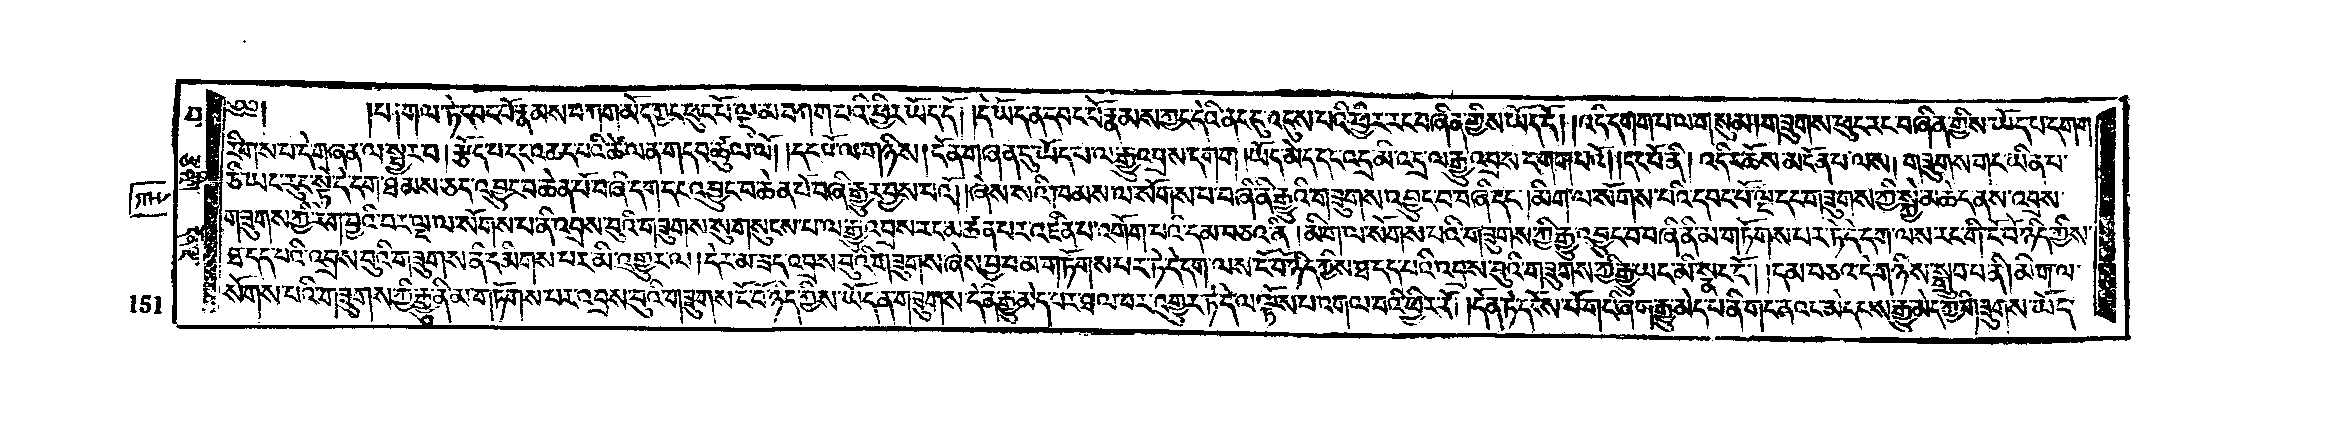༄༅། །པ། གལ་ཏེ་དབང་པོ་རྣམས་བཀག་མོད་ཀྱང་ཕུང་པོ་ལྔ་མ་བཀག་པའི་ཕྱིར་ཡོད་དོ། །དེ་ཡོད་ན་དབང་པོ་རྣམས་ཀྱང་དེའི་ནང་དུ་འདུས་པའི་ཕྱིར་རང་བཞིན་གྱིས་ཡོད་དོ། །འདི་དགག་པ་ལ་གསུམ། གཟུགས་ཕུང་རང་བཞིན་གྱིས་ཡོད་པ་དགག་
རིགས་པ་དེ་གཞན་ལ་སྦྱར་བ། རྩོད་པ་དང་འཆད་པའི་ཚེ་ལན་གདབ་ཚུལ་ལོ། །དང་པོ་ལ་གཉིས། དོན་གཞན་དུ་ཡོད་པ་ལ་རྒྱུ་འབྲས་དགག། ཡོད་མེད་དང་འདྲ་མི་འདྲ་ལ་རྒྱུ་འབྲས་དགག་པའོ། །དང་པོ་ནི། འདིར་ཆོས་མངོན་པ་ལས། གཟུགས་གང་ཡིན་པ་
ཅི་ཡང་རུང་སྟེ་དེ་དག་ཐམས་ཅད་འབྱུང་བ་ཆེན་པོ་བཞི་དག་དང་འབྱུང་བ་ཆེན་པོ་བཞི་རྒྱུར་བྱས་པའོ། །ཞེས་སའི་ཁམས་ལ་སོགས་པ་བཞི་ནི་རྒྱུའི་གཟུགས་འབྱུང་བ་བཞི་དང་། མིག་ལ་སོགས་པའི་དབང་པོ་ལྔ་དང་གཟུགས་ཀྱི་སྐྱེ་མཆེད་ནས་འབྲས་
གཟུགས་ཀྱི་རེག་བྱའི་བར་ལྔ་ལ་སོགས་པ་ནི་འབྲས་བུའི་གཟུགས་སུ་གསུངས་པ་ལ་རྒྱུ་འབྲས་རང་མཚན་པར་འཛིན་པ་འགོག་པའི་དམ་བཅའ་ནི། མིག་ལ་སོགས་པའི་གཟུགས་ཀྱི་རྒྱུ་འབྱུང་བ་བཞི་ནི་མ་གཏོགས་པར་ཏེ་དེ་དག་ལས་རང་གི་ངོ་བོ་ཉིད་ཀྱིས་
ཐ་དད་པའི་འབྲས་བུའི་གཟུགས་ནི་དམིགས་པར་མི་འགྱུར་ལ། དེར་མ་ཟད་འབྲས་བུའི་གཟུགས་ཞེས་བྱ་བ་མ་གཏོགས་པར་ཏེ་དེ་དག་ལས་ངོ་བོ་ཉིད་ཀྱིས་ཐ་དད་པའི་འབྲས་བུའི་གཟུགས་ཀྱི་རྒྱུ་ཡང་མི་སྣང་ངོ། །དམ་བཅའ་དེ་གཉིས་སྒྲུབ་པ་ནི། མིག་ལ་
སོགས་པའི་གཟུགས་ཀྱི་རྒྱུ་ནི་མ་གཏོགས་པར་འབྲས་བུའི་གཟུགས་ངོ་བོ་ཉིད་ཀྱིས་ཡོད་ན་གཟུགས་དེ་ནི་རྒྱུ་མེད་པར་ཐལ་བར་འགྱུར་ཏེ་དེ་ལ་ལྟོས་པ་འགལ་བའི་ཕྱིར་རོ། །དོན་ཏེ་དངོས་པོ་གང་ཞིག་རྒྱུ་མེད་པ་ནི་གང་ནའང་མེད་པས་རྒྱུ་མེད་ཀྱི་གཟུགས་ཡོད་